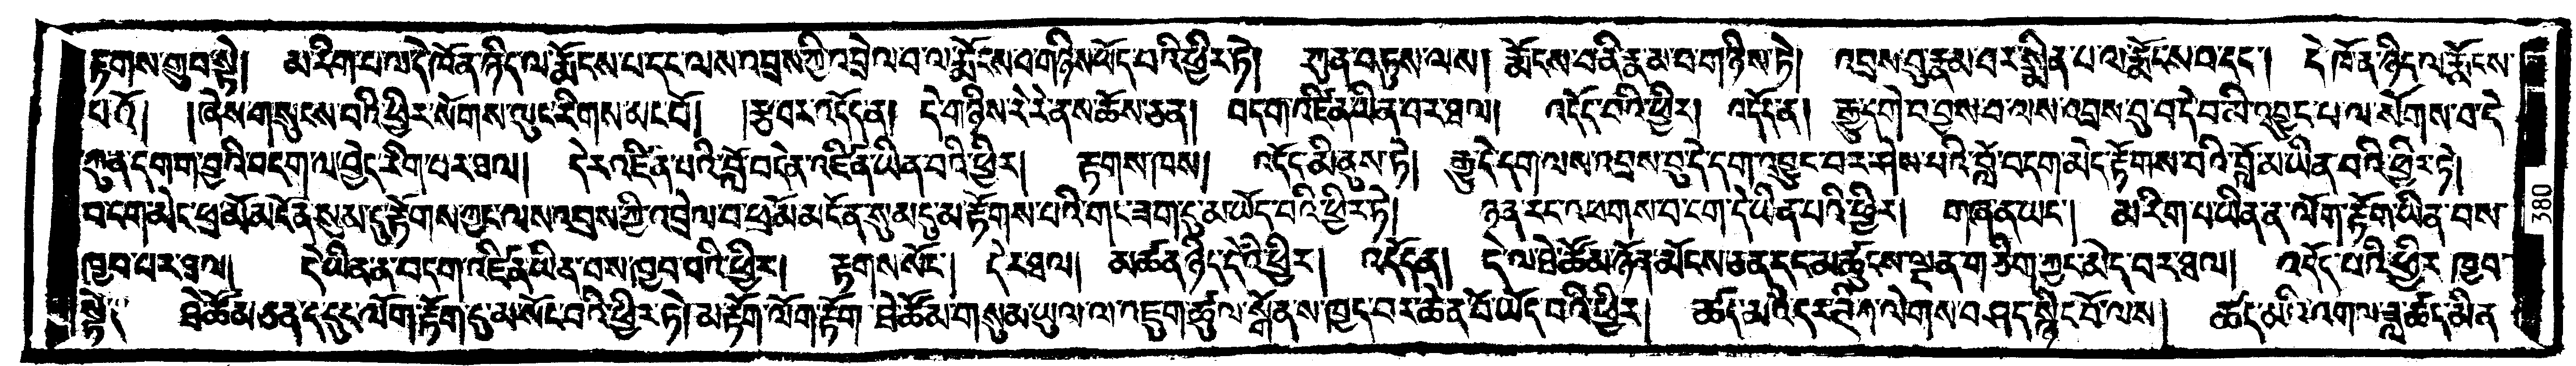རྟགས་གྲུབ་སྟེ། མ་རིག་པ་ལ་དེ་ཁོ་ན་ཉིད་ལ་རྨོངས་པ་དང་ལས་འབྲས་ཀྱི་འབྲེལ་བ་ལ་རྨོངས་པ་གཉིས་ཡོད་པའི་ཕྱིར་ཏེ། ཀུན་བཏུས་ལས། རྨོངས་བ་ནི་རྣམ་པ་གཉིས་ཏེ། འབྲས་བུ་རྣམ་པར་སྨིན་པ་ལ་རྨོངས་པ་དང་། དེ་ཁོ་ན་ཉིད་ལ་རྨོངས་
པའོ། །ཞེས་གསུངས་པའི་ཕྱིར་སོགས་ལུང་རིགས་མང་པོ། །རྩ་བར་འདོད་ན། དེ་གཉིས་རེ་རེ་ནས་ཆོས་ཅན། བདག་འཛིན་ཡིན་པར་ཐལ། འདོད་པའི་ཕྱིར། འདོད་ན། རྒྱུ་དགེ་བ་བྱས་བ་ལས་འབྲས་བུ་བདེ་བ་མི་འབྱུང་པ་ལ་སོགས་པ་དེ་
ཀུན་དགག་བྱའི་བདག་ལ་བྱེད་རིག་པར་ཐལ། དེར་འཛིན་པའི་བློ་བདེན་འཛིན་ཡིན་པའི་ཕྱིར། རྟགས་ཁས། འདོད་མི་ནུས་ཏེ། རྒྱུ་དེ་དག་ལས་འབྲས་བུ་དེ་དག་འབྱུང་བར་ཤེས་པའི་བློ་བདག་མེད་རྟོགས་པའི་བློ་མ་ཡིན་པའི་ཕྱིར་ཏེ།
བདག་མེད་ཕྲ་མོ་མངོན་སུམ་དུ་རྟོགས་ཀྱང་ལས་འབྲས་ཀྱི་འབྲེལ་བ་ཕྲ་མོ་མངོན་སུམ་དུ་མ་རྟོགས་པའི་གང་ཟག་དུ་མ་ཡོད་པའི་ཕྱིར་ཏེ། ཉན་རང་འཕགས་པ་ངག་དེ་ཡིན་པའི་ཕྱིར། གཞན་ཡང་། མ་རིག་པ་ཡིན་ན་ལོག་རྟོག་ཡིན་པས་
ཁྱབ་པར་ཐལ། དེ་ཡིན་ན་བདག་འཛིན་ཡིན་པས་ཁྱབ་པའི་ཕྱིར། རྟགས་སོང་། དེར་ཐལ། མཚན་ཉིད་དེའི་ཕྱིར། འདོད་ན། དེ་ལ་ཐེ་ཚོམ་ཉོན་མོངས་ཅན་དང་མཚུངས་ལྡན་གཅིག་ཀྱང་མེད་པར་ཐལ། འདོད་པའི་ཕྱིར་ཁྱབ་
སྟེ༑ ཐེ་ཚོམ་ཅན་ད་དུང་ལོག་རྟོག་དུ་མ་སོང་བའི་ཕྱིར་ཏེ། མ་རྟོག་ལོག་རྟོག་ཐེ་ཚོམ་གསུམ་ཡུལ་ལ་འཇུག་ཚུལ་སྒོ་ནས་ཁྱད་པར་ཆེན་པོ་ཡོད་པའི་ཕྱིར། ཚད་མའི་དར་ཊིཀ་ལེགས་བཤད་སྙིང་པོ་ལས། ཚད་མའི་འགལ་ཟླ་ཚད་མིན་